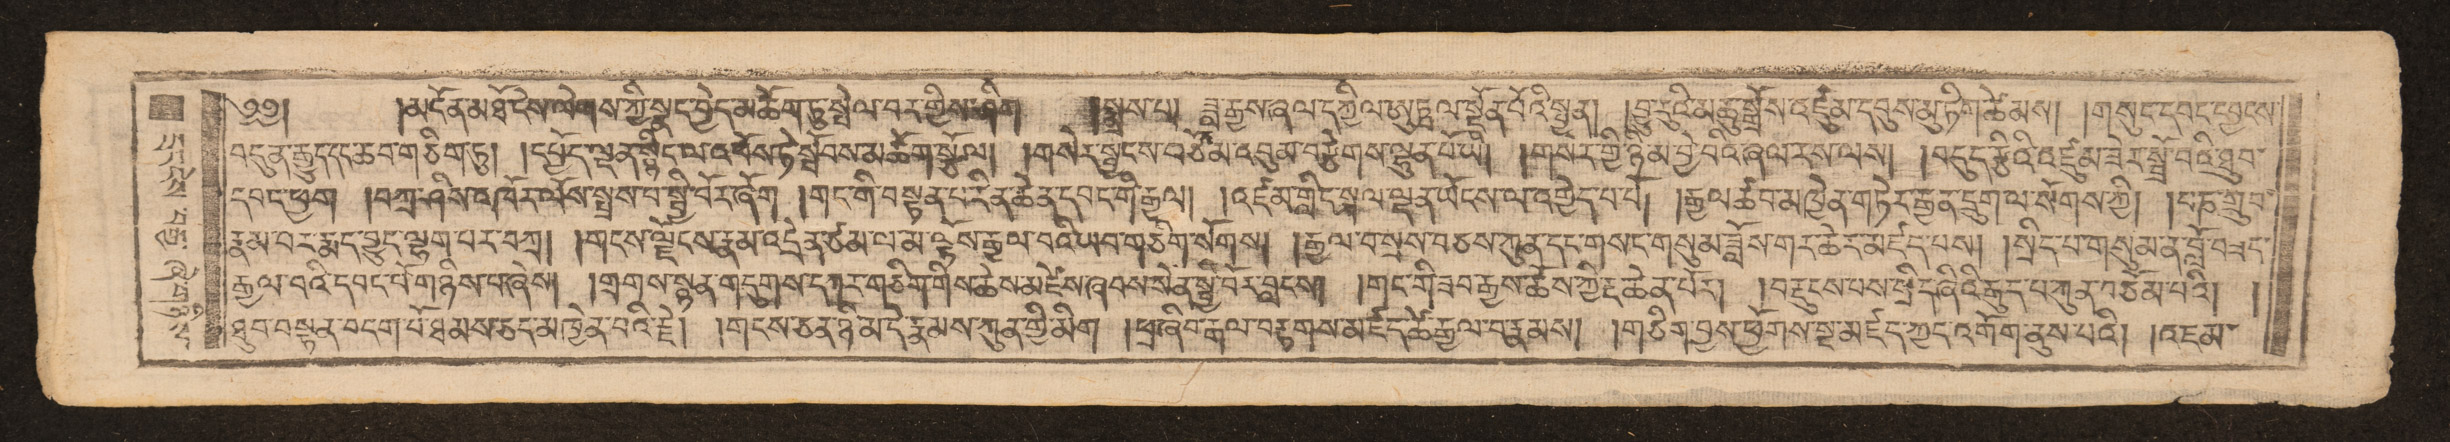༄༅། །མངོན་མཐོ་ངེས་ལེགས་ཀྱི་སྣང་བྱེད་མཆོག་ཏུ་སྦེལ་བར་གྱིས་ཤིག །སྨྲས་པ། ཟླ་རྒྱས་ཞལ་དཀྱིལ་ཨུཏྤལ་སྔོན་པོའི་སྦྱན། །བྱུ་རུའི་མཆུ་སྒྲོས་འཛུམ་དབུས་མུ་ཏིག་ཚེམས། །གསུང་དབང་དབྱངས་
བདུན་རྒྱུད་དང་ཆབ་གཅིག་ཏུ། །དཔྱོད་ལྡན་སྙིང་ལ་འཕོས་ཏེ་སྦོབས་མཆོག་སྩོལ། །གསེར་སྦྱངས་བཙོ་མ་འབུམ་བརྩེགས་ལྷུན་པོ་ཡི། །གསེར་གྱི་ཉི་མ་བྱེ་བའི་ཞལ་རས་ལས། །བདུད་རྩིའི་འཛུམ་ཟེར་སྤྲོ་བའི་ཐུབ་
དབང་ཕྱག །བཀྲ་ཤིས་འཁོར་ལོས་སྤྲས་པ་སྤྱི་བོར་ཞོག །གང་གི་བསྟན་པ་རིན་ཆེན་དབང་གི་རྒྱལ། །འཛམ་གླིང་སྐལ་ལྡན་ཡོངས་ལ་འགྱེད་པ་པོ། །རྒྱལ་ཚབ་མཁྱེན་གཏེར་རྒྱན་དྲུག་ལ་སོགས་ཀྱི། །པཎ་གྲུབ་
རྣམ་པར་རྨད་བྱུང་ལྷག་པར་བཀྲ། །གངས་ལྗོངས་རྣམ་འདྲེན་ཙམ་ལ་མ་ལྟོས་རྒྱལ་བའི་ཡབ་གཅིག་སོགས། །རྒྱལ་བ་སྲས་བཅས་ཀུན་དང་གསང་གསུམ་ཟློས་གར་ཆེར་མཛད་པས། །སྲིད་པ་གསུམ་ན་བློ་བཟང་
རྒྱལ་བའི་དབང་པོ་གཉིས་པ་ཞེས། །གྲགས་སྙན་གདུགས་དཀར་གཅིག་གིས་ཆེས་མཛེས་ཞབས་སེན་སྤྱི་བོར་བླངས། །གང་གི་ཟབ་རྒྱས་ཆོས་ཀྱི་རྔ་ཆེན་པོར། །བརྡུངས་པས་སྲིད་ཞིའི་རྒུད་པ་ཀུན་བཅོམ་པའི། །
ཐུབ་བསྟན་བདག་པོ་ཐམས་ཅད་མཁྱེན་པའི་རྗེ། །གངས་ཅན་ཉི་མ་དེ་རྣམས་ཀུན་གྱི་མིག །ཕྲ་ཞིབ་རྒལ་བརྟགས་མཛད་ཚེ་རྒྱལ་བ་རྣམས། །གཅིག་བྱས་ཕྱོགས་སྔ་མཛད་ཀྱང་འགོག་ནུས་པའི། །འཇམ་